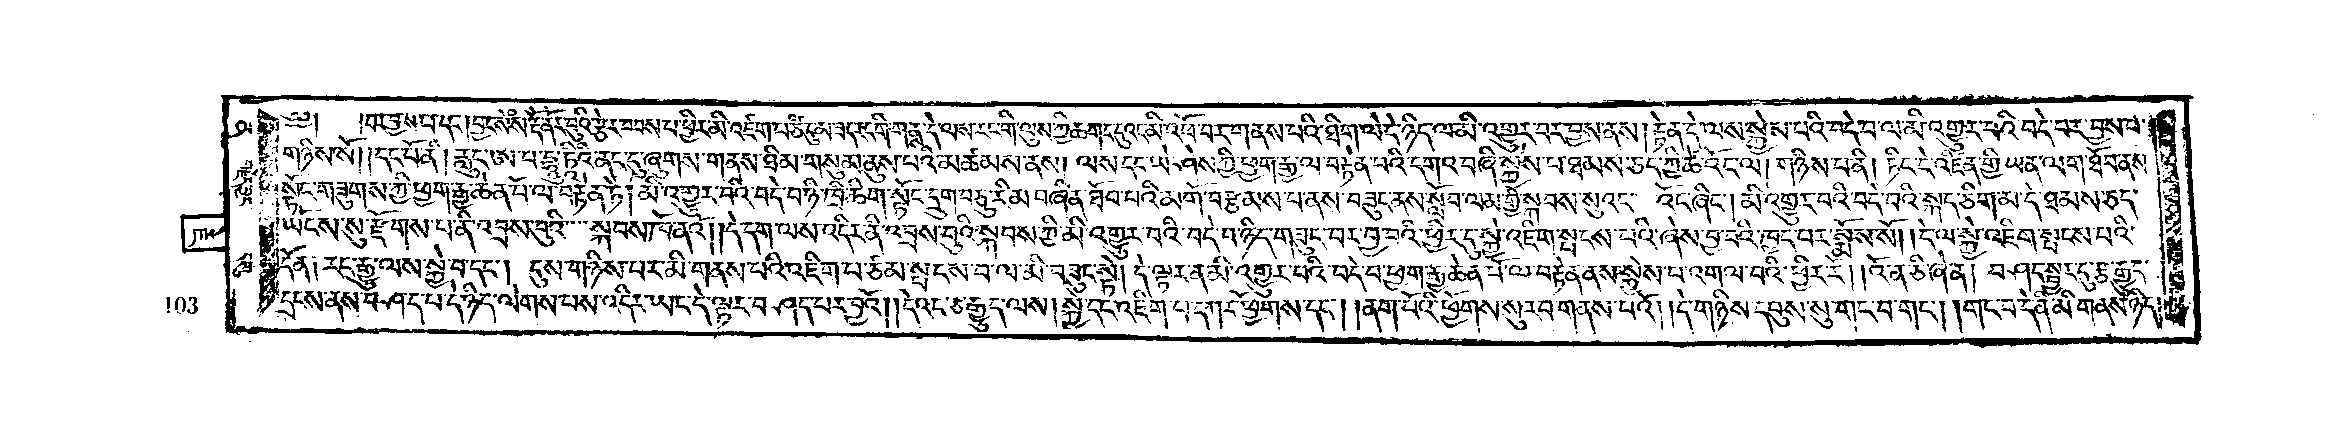༄༅། །བར་བྱས་པ་དང་། བྱང་སེམས་རྡོ་ནོར་བུའི་རྩེར་བབས་པ་ཕྱིར་མི་འཛག་པ་ཙཾ་དུ་མ་ཟད་རང་གི་གནས་དེ་ལས་རང་གི་ལུས་ཀྱི་ཆ་གང་དུའང་མི་འཕོ་བར་གནས་པའི་ཐིག་ལེ་དེ་ཉིད་ལ་མི་འགྱུར་བར་བྱས་ནས། རྟེན་དེ་ལས་སྐྱེས་པའི་བདེ་བ་ལ་མི་འགྱུར་བའི་བདེ་བར་བྱས་པ་
གཉིས་སོ། །དང་པོ་ནི། རླུང་ཨ་པ་དྷཱུ་ཏཱིའི་ནང་དུ་ཞུགས་གནས་ཐིམ་གསུམ་ནུས་པའི་མཚམས་ནས། ལས་དང་ཡེ་ཤེས་ཀྱི་ཕྱག་རྒྱ་ལ་བརྟེན་པའི་དགའ་བཞི་སྐྱེས་པ་ཐམས་ཅད་ཀྱི་ཚེ་འོང་ལ། གཉིས་པ་ནི། ཏིང་ངེ་འཛིན་གྱི་ཡན་ལག་ཐོབ་ནས་
སྟོང་གཟུགས་ཀྱི་ཕྱག་རྒྱ་ཆེན་པོ་ལ་བརྟེན་ཏེ། མི་འགྱུར་བའི་བདེ་བ་ཉི་ཁྲི་ཆིག་སྟོང་དྲུག་བཅུ་རིམ་བཞིན་ཐོབ་པའི་མགོ་བརྩམས་པ་ནས་བཟུང་ནས་སློབ་ལམ་གྱི་སྐབས་སུའང་འོང་ཞིང་། མི་འགྱུར་བའི་བདེ་བའི་སྐད་ཅིག་མ་དེ་ཐམས་ཅད་
ཡོངས་སུ་རྫོགས་པ་ནི་འབྲས་བུའི་སྐབས་ཁོ་ནའོ། །དེ་དག་ལས་འདིར་ནི་འབྲས་བུའི་སྐབས་ཀྱི་མི་འགྱུར་བའི་བདེ་བ་ཉིད་གཟུང་བར་བྱ་བའི་ཕྱིར་དུ་སྐྱེ་འཇིག་སྤངས་པའི་ཞེས་བྱ་བའི་ཁྱད་པར་སྨོས་སོ། །དེ་ལ་སྐྱེ་འཇིག་སྤངས་པའི་
དོན། རང་རྒྱུ་ལས་སྐྱེ་བ་དང་། དུས་གཉིས་པར་མི་གནས་པའི་འཇིག་པ་ཙམ་སྤངས་བ་ལ་མི་བཟུང་སྟེ། དེ་ལྟར་ན་མི་འགྱུར་བའི་བདེ་བ་ཕྱག་རྒྱ་ཆེན་པོ་ལ་བརྟེན་ནས་སྐྱེས་པ་འགལ་བའི་ཕྱིར་རོ། །འོ་ན་ཅི་ཞེ་ན། བཤད་སྦྱར་དུ་རྩ་རྒྱུད་
དྲངས་ནས་བཤད་པ་དེ་ཉིད་ལེགས་པས་འདིར་ཡང་དེ་ལྟར་བཤད་པར་བྱའོ། །དེའང་རྩ་རྒྱུད་ལས། སྐྱེ་དང་འཇིག་པ་དཀར་ཕྱོགས་དང་། །ནག་པོའི་ཕྱོགས་སུ་རབ་གནས་པའོ། །དེ་གཉིས་དབུས་སུ་གང་བ་གང་། །གང་བ་དེ་ནི་མི་གནས་ཉིད།